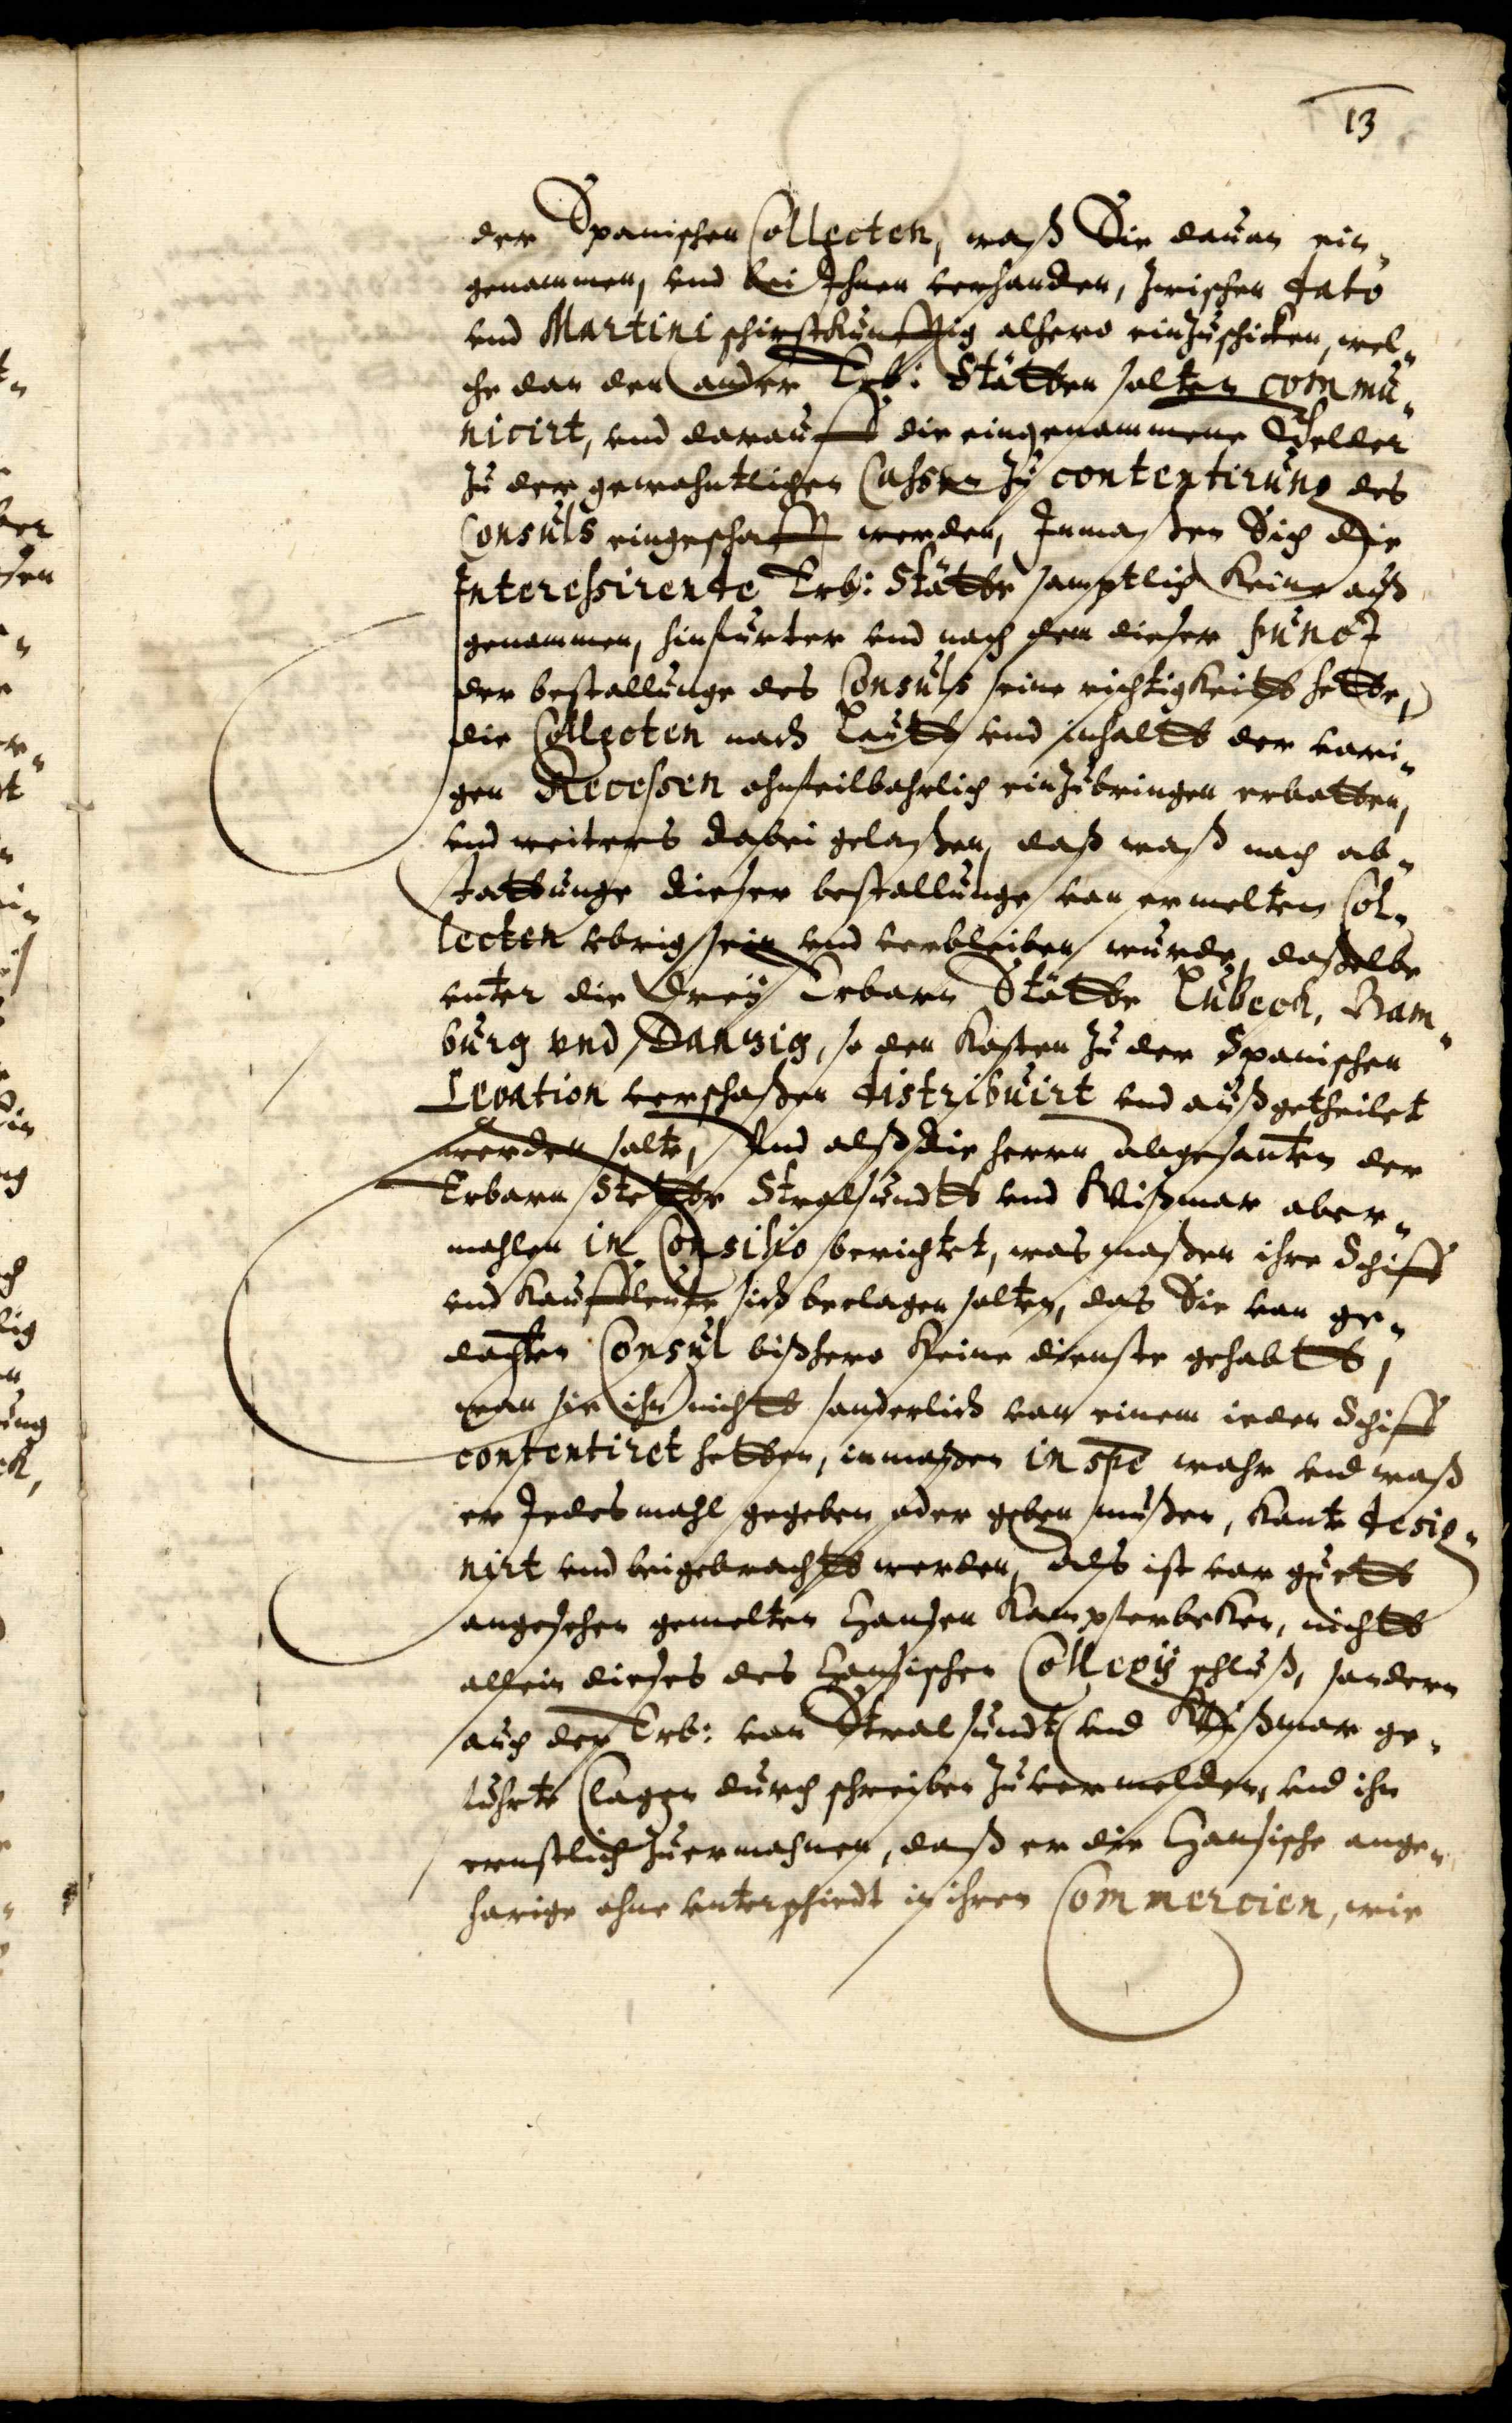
13
der Spanischen Collecten, waß Sie dauon ein¬
genommen, vnd bei Ihnen vorhanden, zwischen dato
vnd Martini schirstkunfftig alhero einZuschicken, wel¬
che dan den ander Erb: Stätten solten commu¬
nicirt, vnd darauff die eingenommenen Gelder
Zu der gewohntlichen Cassen Zu contentirung des
Consuls eingeschafft werden, Inmaßen Sich die
Interessirende Erb: Stätte samptlich keine auß¬
genommen, hinfurter vnd nach dem dieser punct
der bestallunge des Consuls seine richtigkeitt hette,
die Collecten nach Lautt vnd inhaltt der vori¬
gen Recessen ohnfeilbahrlich einZubringen erbotten,
vnd weiters dabei gelaßen, daß waß nach ab¬
stattunge dieser bestallunge von ermelten Col=
lecten vbrich sein vnd verbleiben wurde, daßelbe
vnter die Dreij Erbarn Stätte Lubeck, Ham¬
burg vnd Dantzig, so den Kosten Zu der Spanischen
Legation verschoßen distribuirt vnd außgetheilet
werden solte, Vnd als die herrn Abgesanten der
Erbarn Stette Stralsundtt vnd Wißmar aber¬
mahlen in Consilio berichtet, was maßen ihre Schiff
vnd Kauffleute sich beclagen solten, das Sie vor ge¬
dachten Consul bißhero keine dienste gehabtt,
wan sie ihn nichtt sonderlich von einem ieden Schiff
contentiret hetten, inmaßen in spe wahr vnd waß
vor Iedesmahl gegeben oder geben mußen, konte desig¬
nirt vnd beigebrachtt werden, Als ist vor guett
angesehen gemelten Hansen Kampferbeken nichtt
allein dieses des Hansischen Collegij schluß, sondern
auch der Erb: von Stralsundt vnd Wißmar ge¬
fuhrte Clagen durch schreiben Zu vermelden, vnd ihn
ernstlich Zuermahnen, daß er die Hansiche ange¬
horige ohne vnterschiedt in Ihren Commercien, wie
